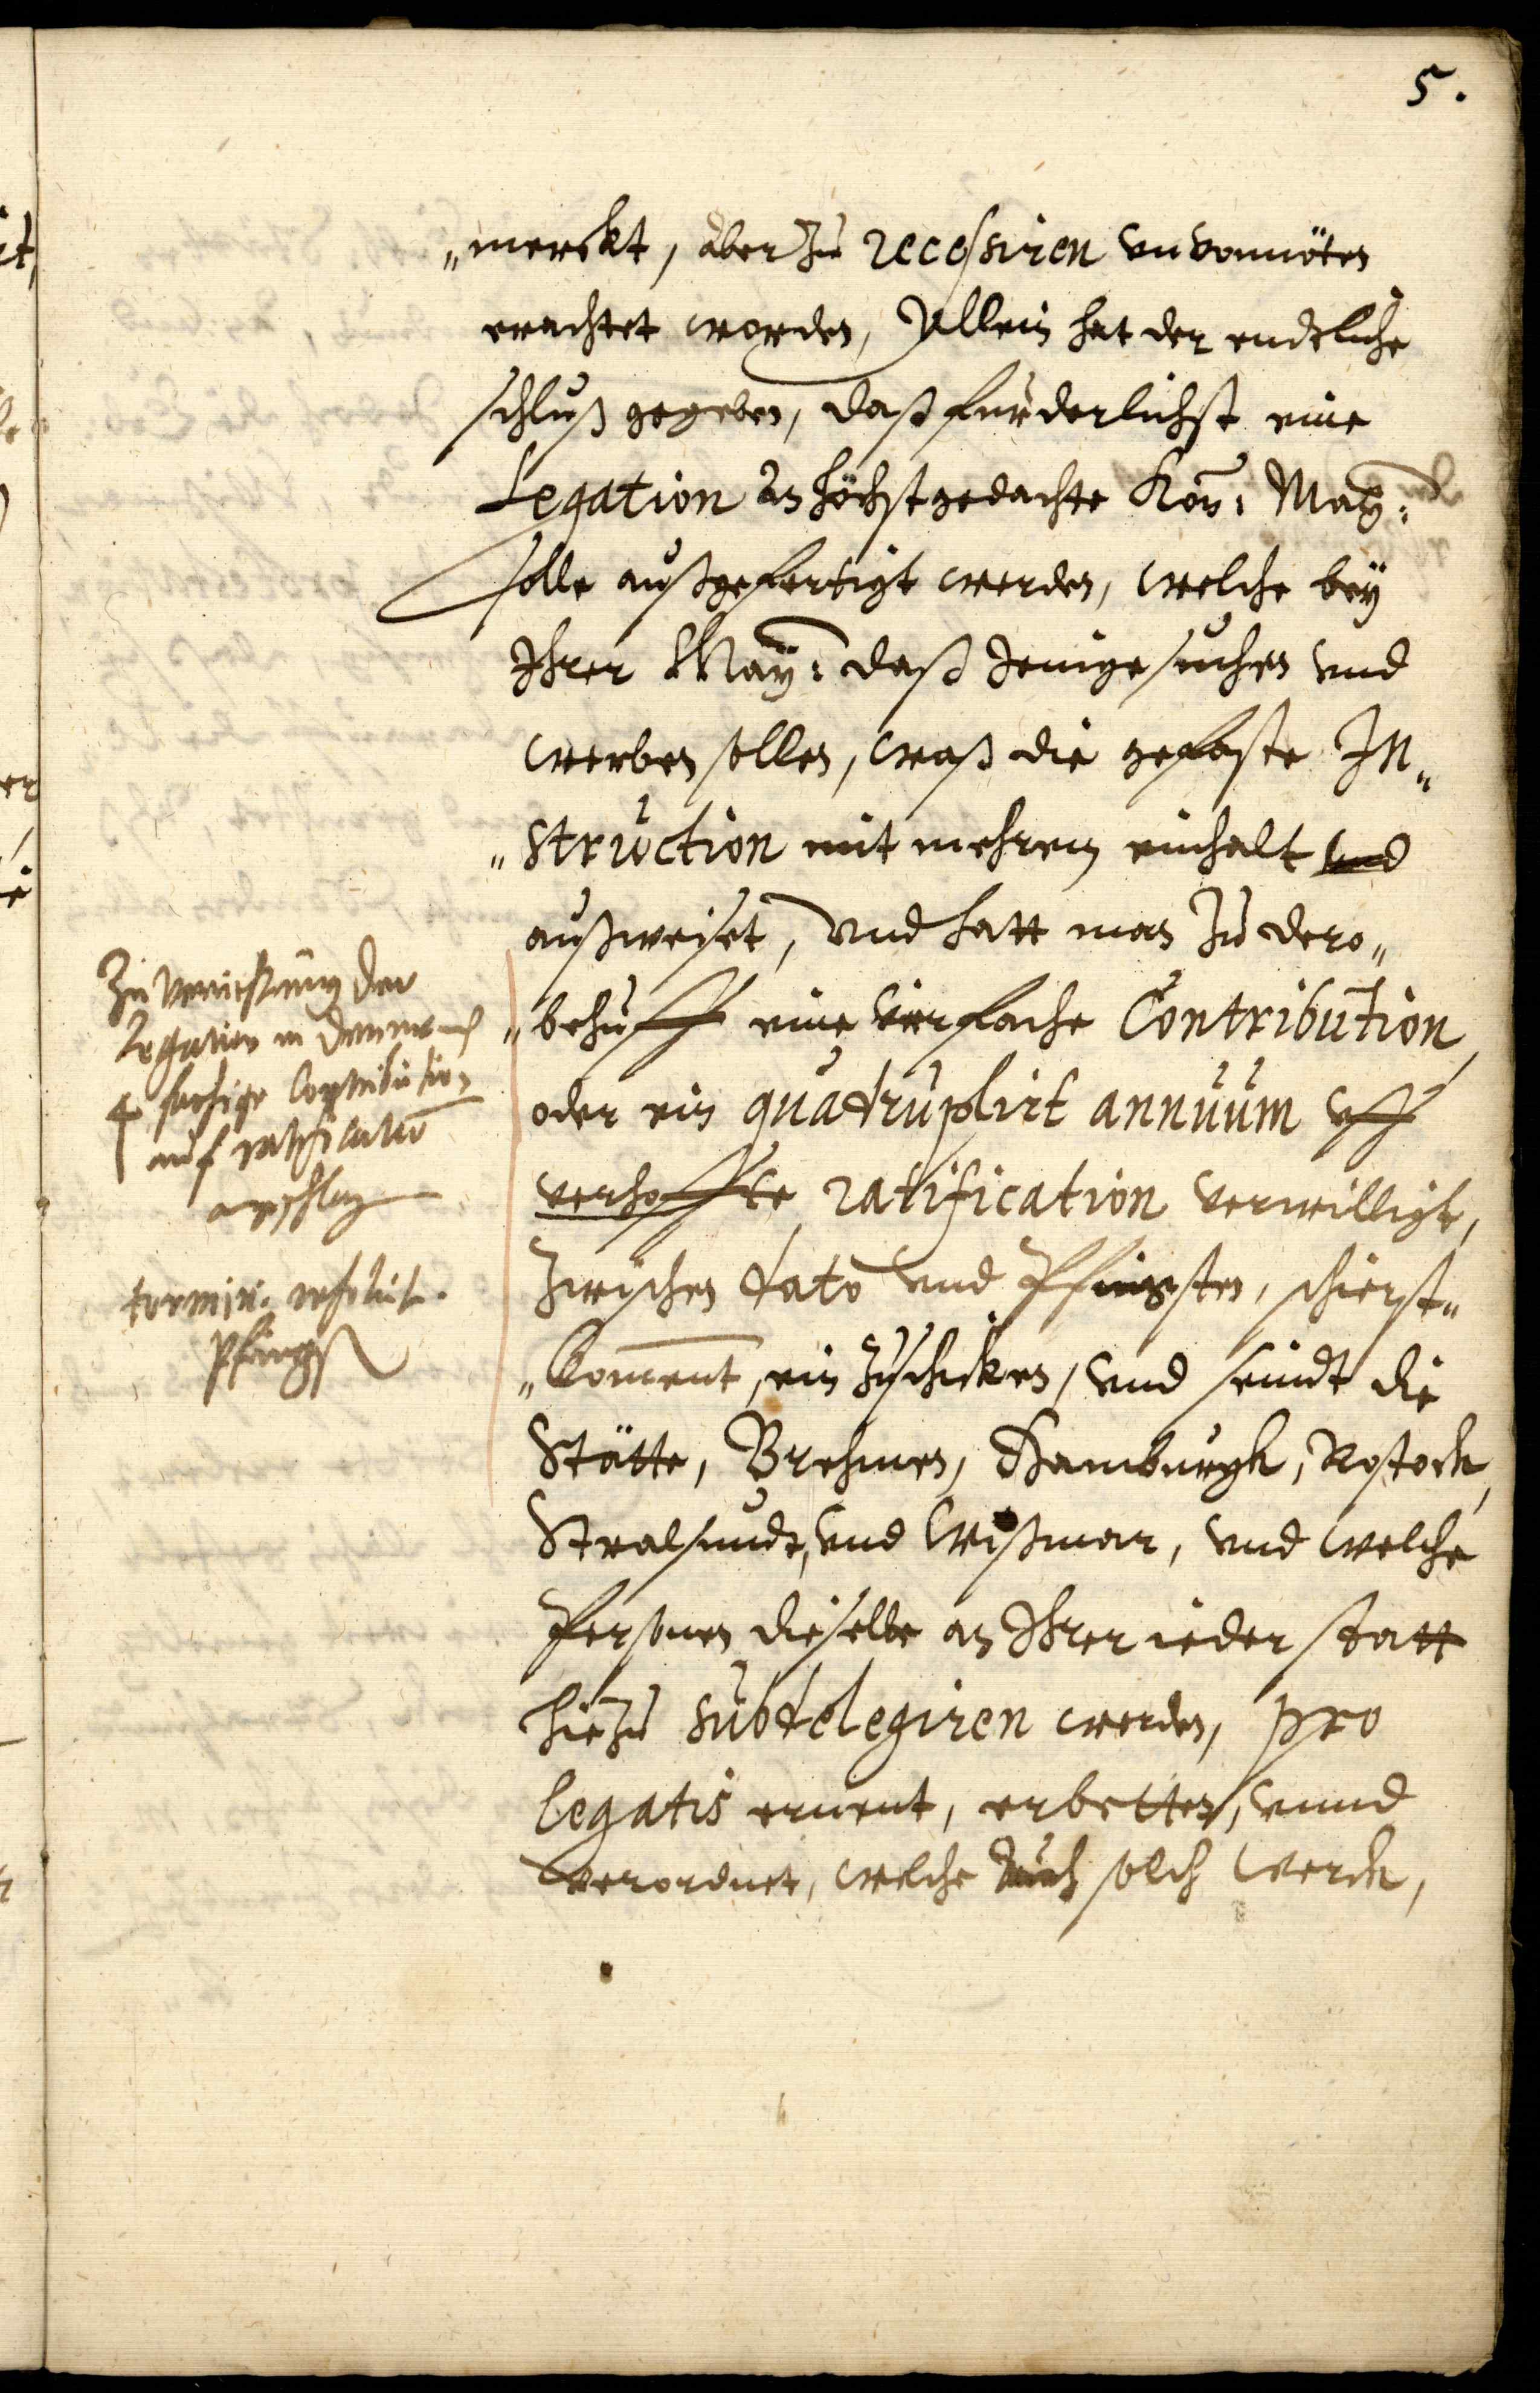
zu verichtung der
Legation in Demine uf
4 fachige Contribution
auf ratification
angeschlagen
termin: nehrlich.
Pfingsten
merckt, Aberzu recessiren vn vonnöten
erachtet worden, Allein hat der endtliche
schluß gegeben, daß furderlichst eine
Legation an höchstgedachte Kon: May:
solle außgefertigt werden, welche beij
Ihrer Maij: daß jenige suchen vnd
werben sollen, waß die gefaste In¬
struction mit mehrem einhalt vnd
außweiset, vnd hatt man zu dero¬
behuff eine vierfache Contribution,
oder ein quadruplirt annuum vff
verhoffte ratification verwilligt,
zwischen dato vnd Pfingsten, schierst¬
komment, ein zuschicken, vnd seindt die
Stätte, Brehmen, Hamburgk, Rostock,
Stralsundt, vnd Wißmar, vnd welche
Personen dieselbe an Ihner ieder statt
hiezu subdelegiren werden, pro
legatis ernent, erbetten, vnnd
verordnet, welche Auch solch werck,
5.
